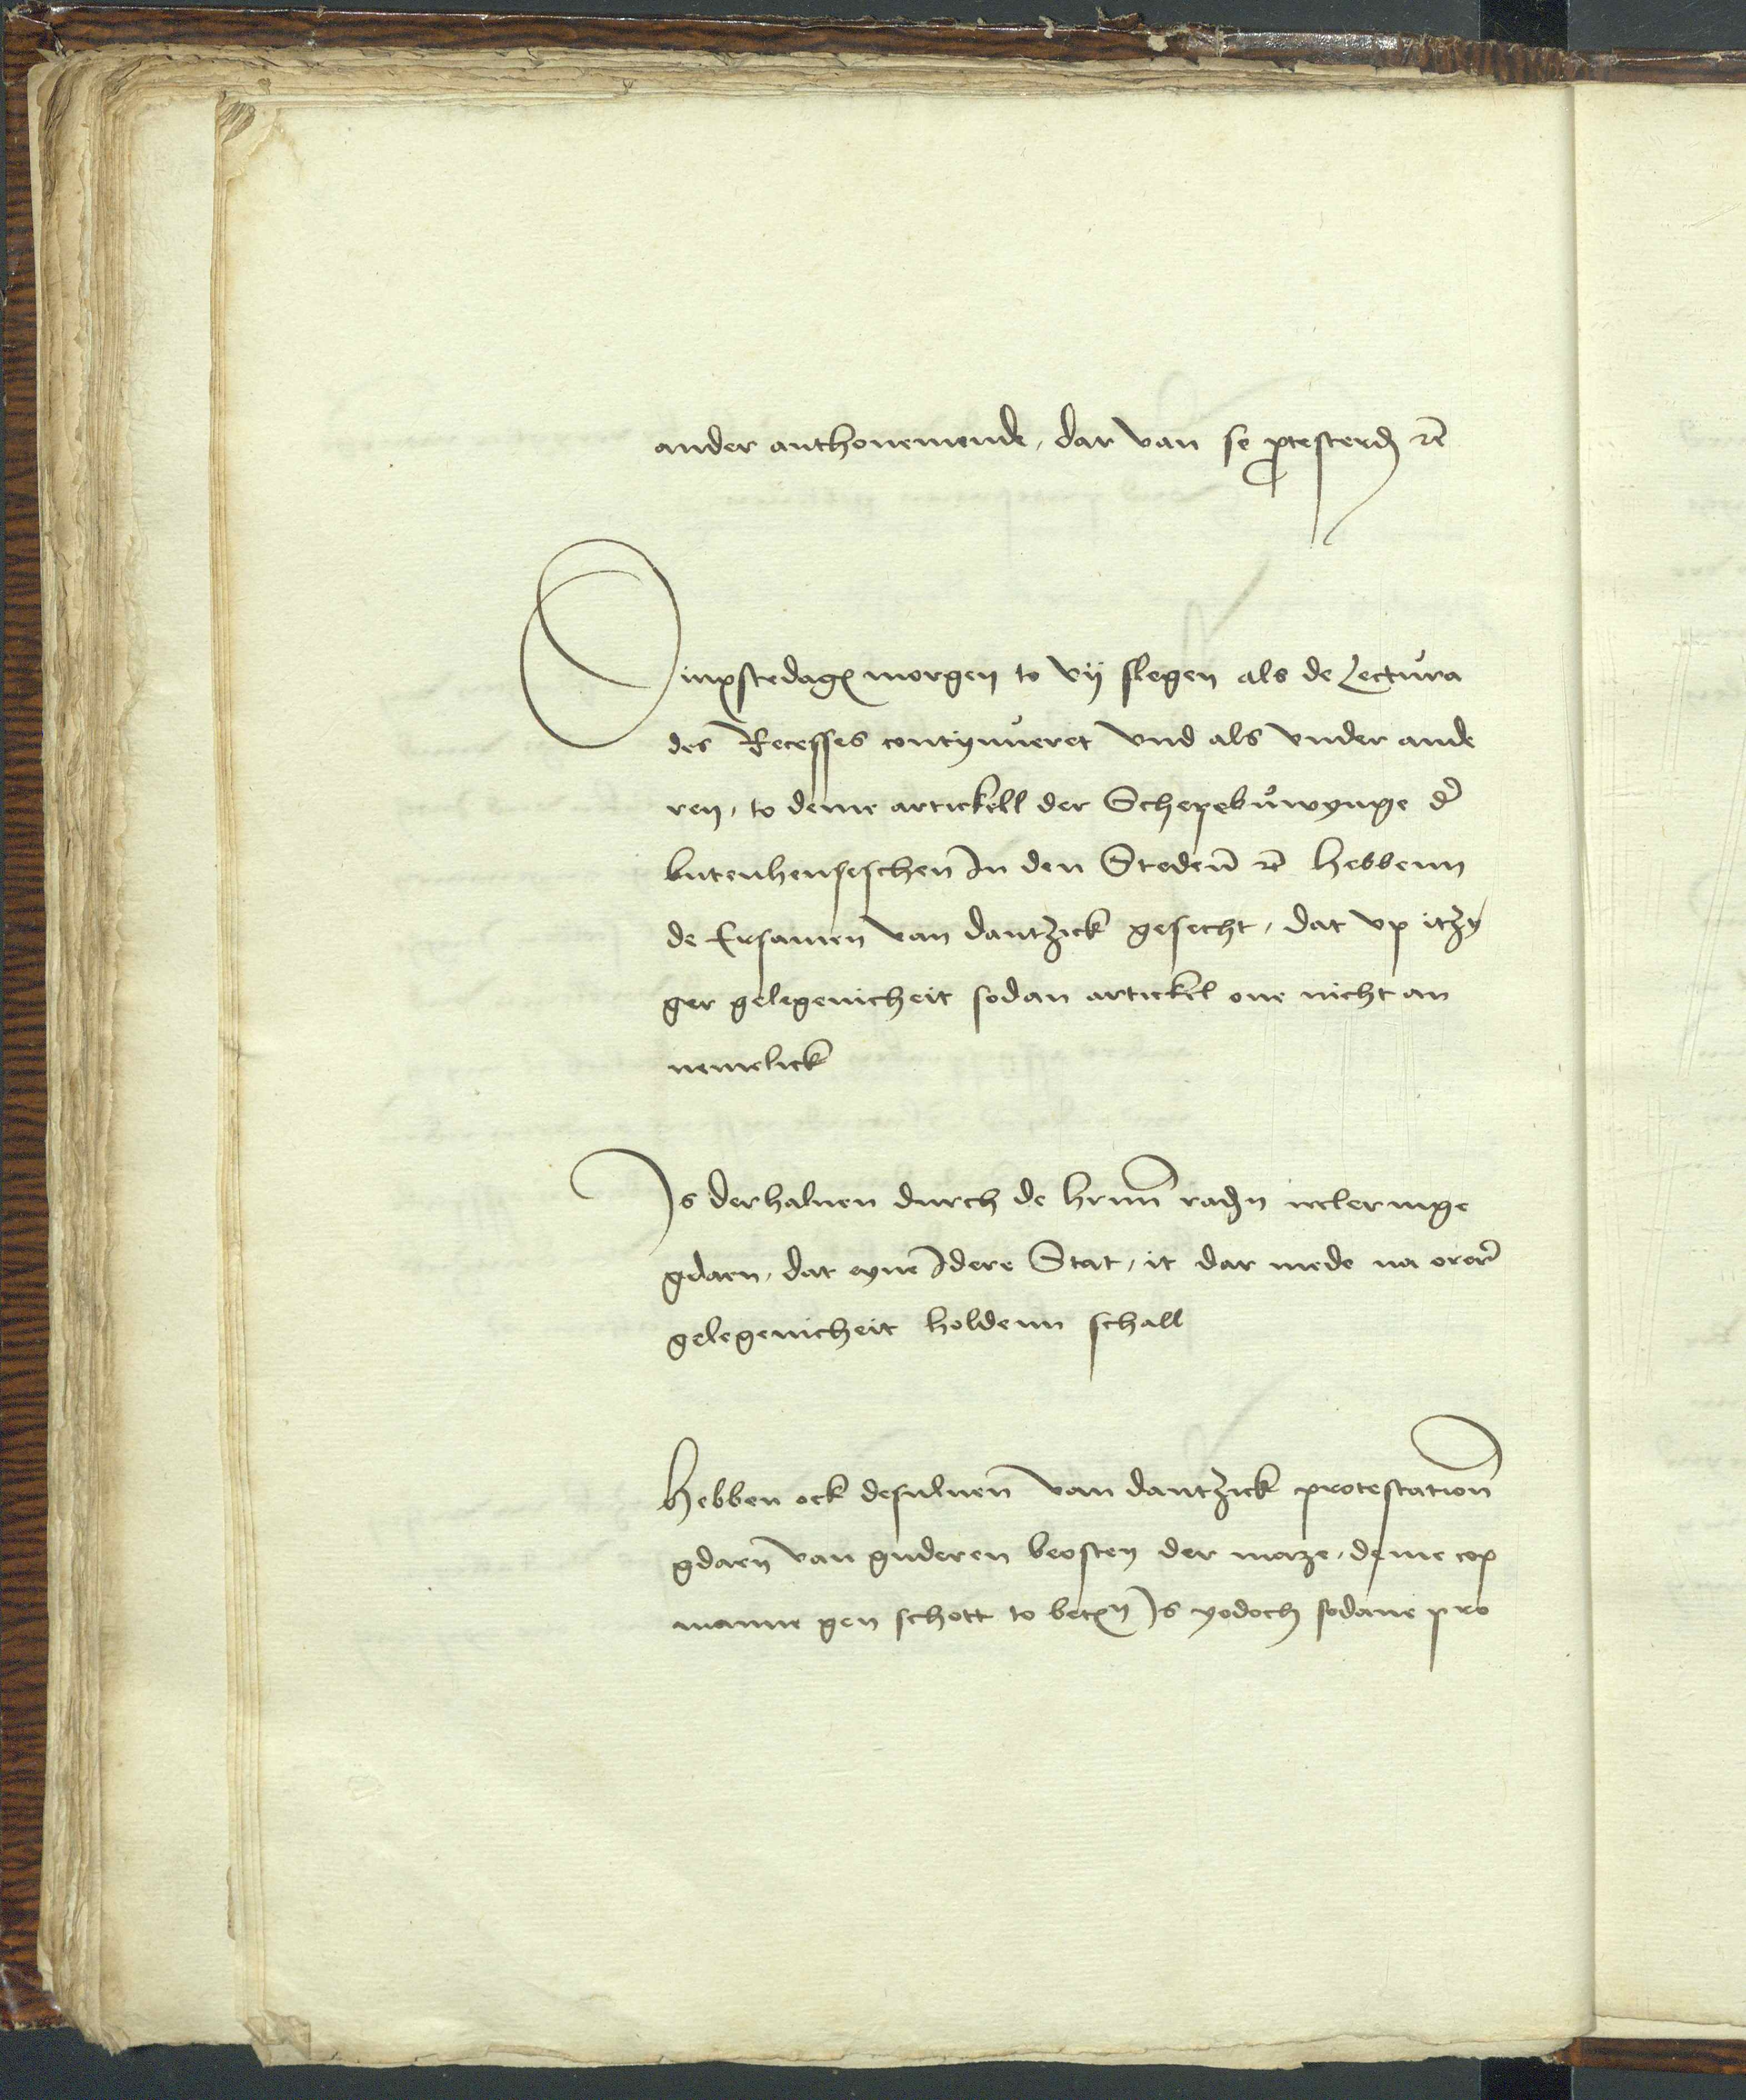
ander anthonemende, dar van se protesterden etc
Dinxstedages morgen to vij slegen als de Lectura
des Recesses contynueret vnd als vnder ande¬
ren, to denne artikell der Schepebuwynge der
butenhenseschen Jn den Stedenn etc hebbenn
de Ersamenn van dantzick gesecht, dat vp itzy¬
ger gelegenicheit sodan artikel one nicht an¬
nemelick
Js derhaluen durch de hernn radessendebaden ircleringe
gdaen, dat eyne Jdere Stat, it dar mede na orer
gelegenicheit holdenn schall
hebben ock desuluen van dantzick protestation
gdaen van guderen beosten der maze, deme cop¬
manne gen schott to betalen Js yedoch sodane pro¬
